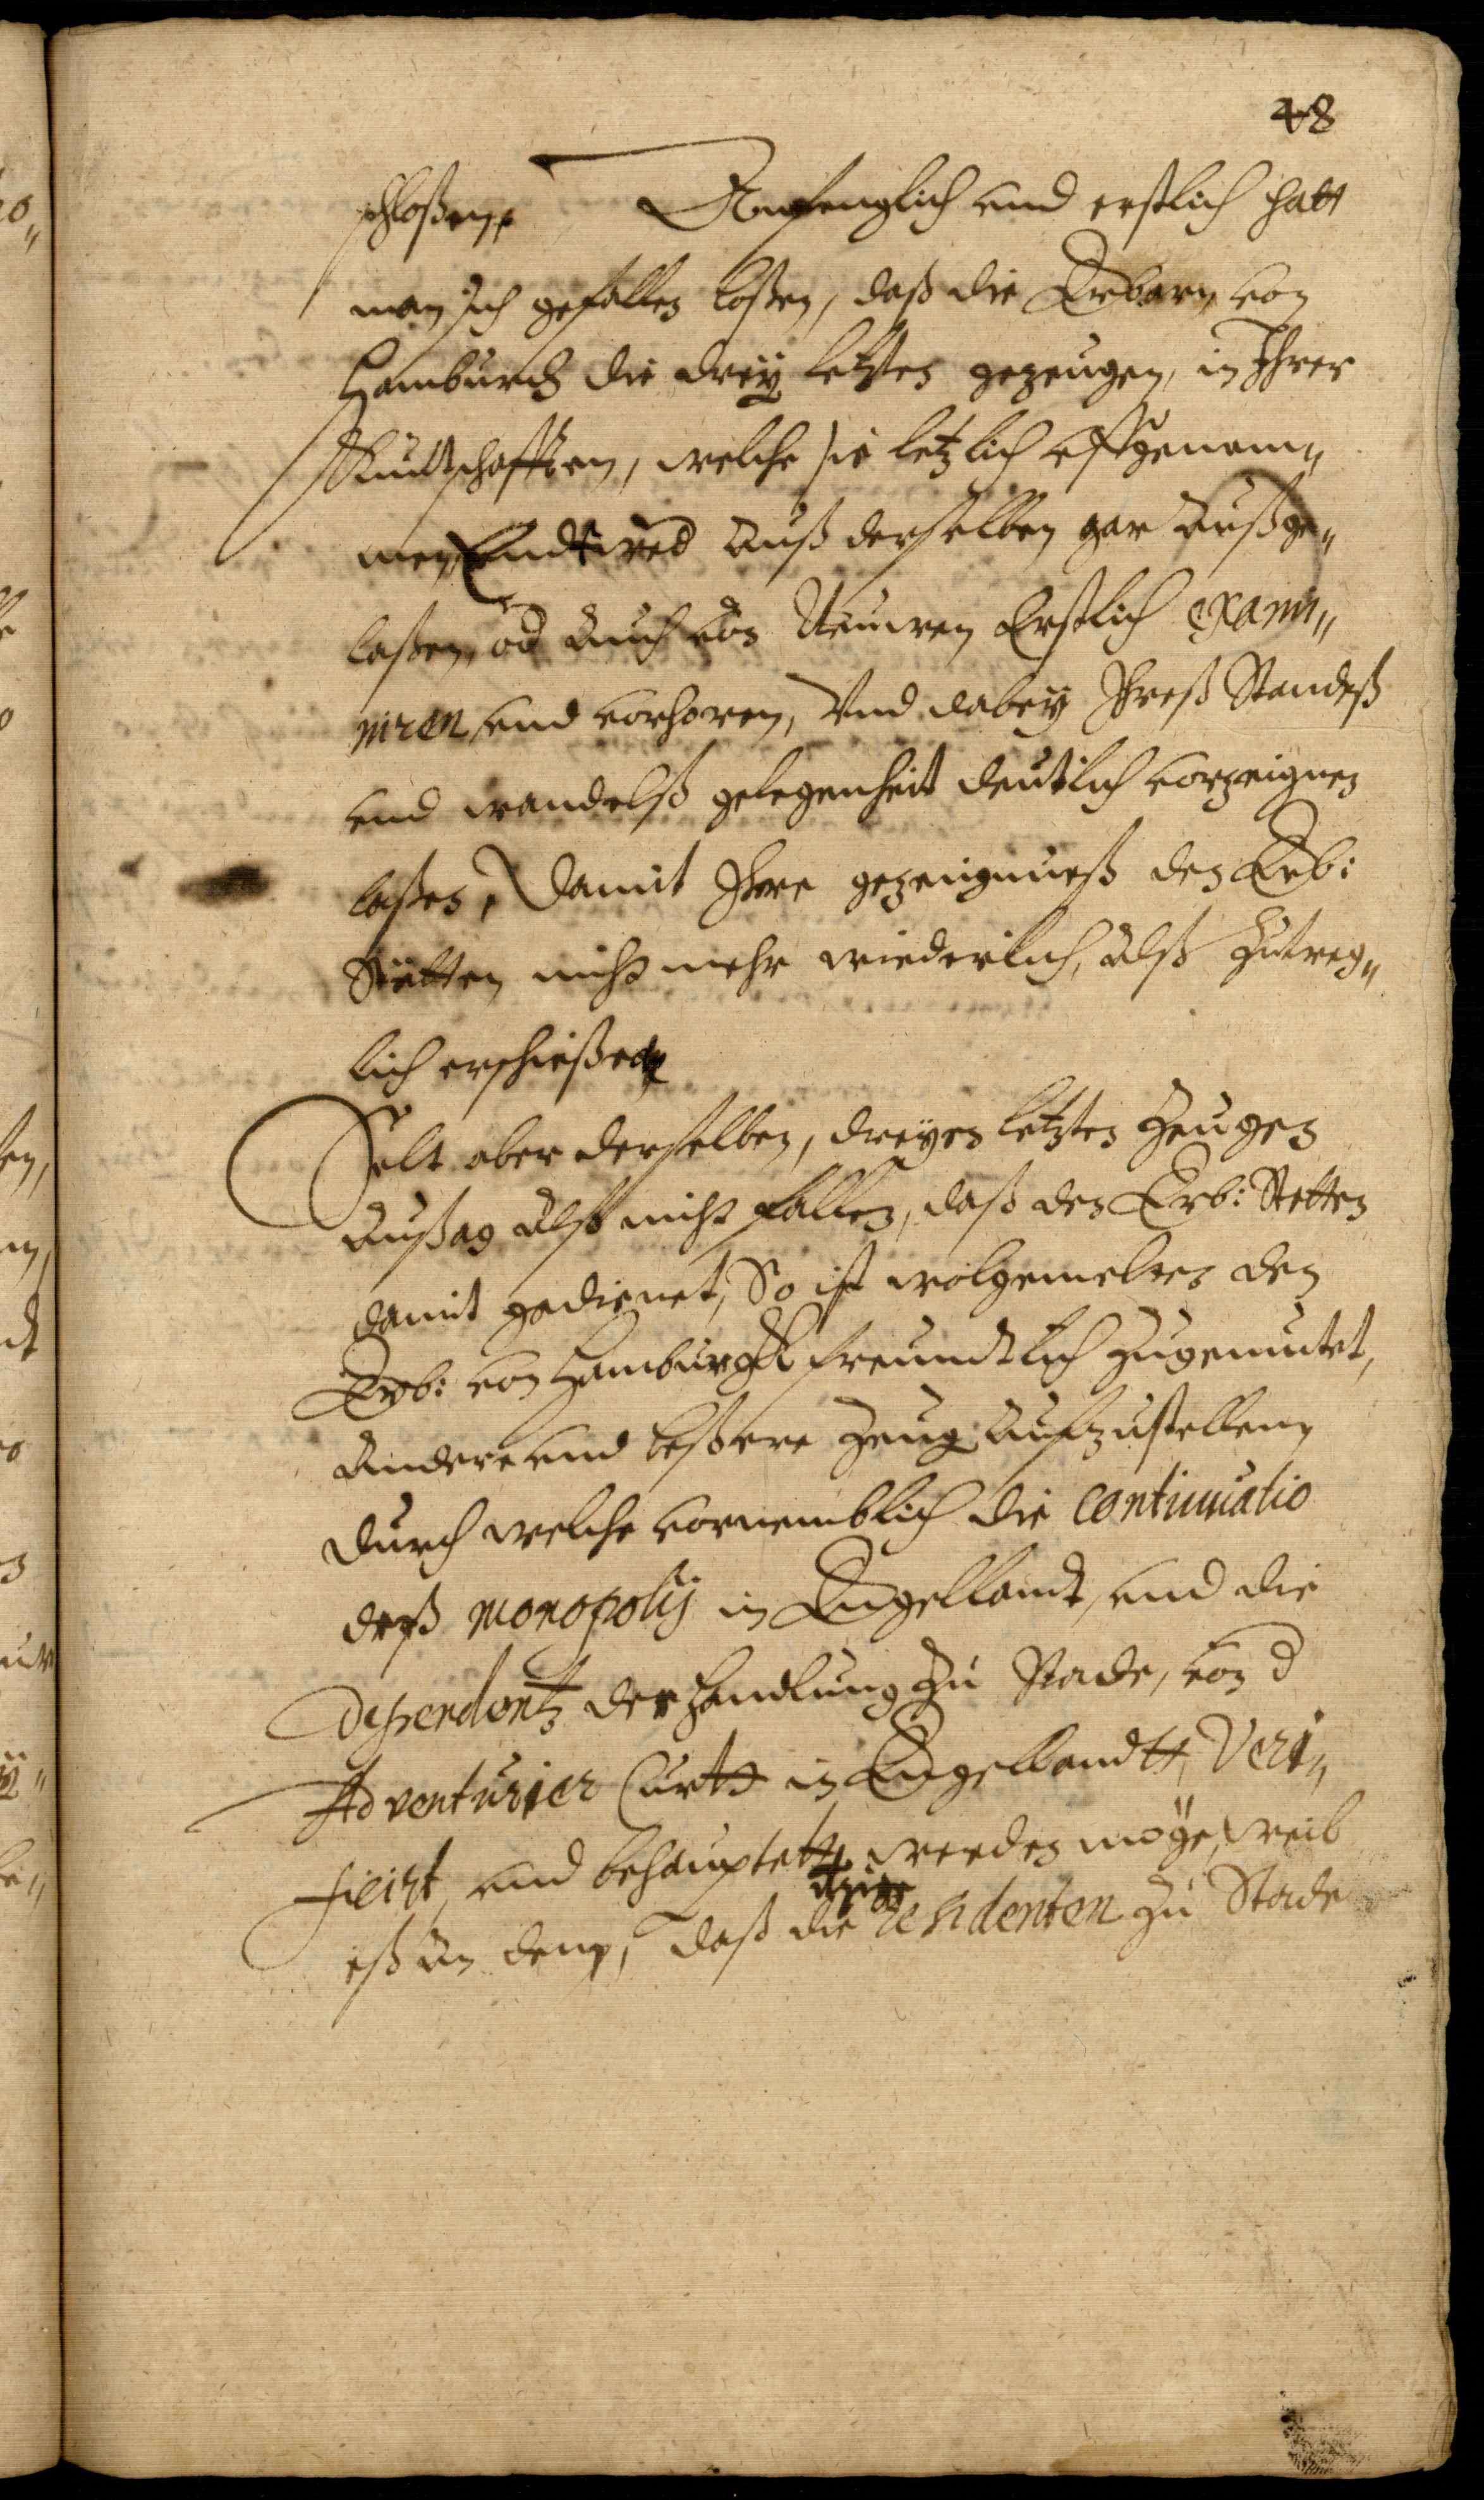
48
schloßen, Anfenglich vnd erstlich hatt
man sich gefallen laßen, daß die Erbarn von
Hamburgk die dreij letzten gezeugen, in Ihrer
Kunttschafften, welche sie letzlich vfgenom¬
men, Endtweder auß derselben gar Außge¬
laßen oder Auch von Neuwen, Erstlich exami¬
niren vnd vorhoren, vnd dabeij Ihreß Standeß
vnd wandelß gelegenheit deutlich vorzeignen
laßen, damit Ihre gezeignueß den Erb:
Stätten nicht mehr wiederlich, Alß zutreg¬
lich erschießeon
Selt aber derselben, dreijen letzten Zeugen
Außag Also nicht fallen, daß den Erb:Stetten
damit gedienet, so ist wolgemelten den
Erb: von Hamburgk freundtlich zugemutet,
Andere vnd beßere Zeugen Aufzustellenn
durch welche vornemblich die continuatio
deß monopolij in Engellandt, vnd die
dependentz der Handlung zu Stade, von der
Adventurier Curtt in Engellandtt, veri¬
ficirt, vnd behauptett werden möge, weil
eß An dem, daß die itzige residenten zu Stade
